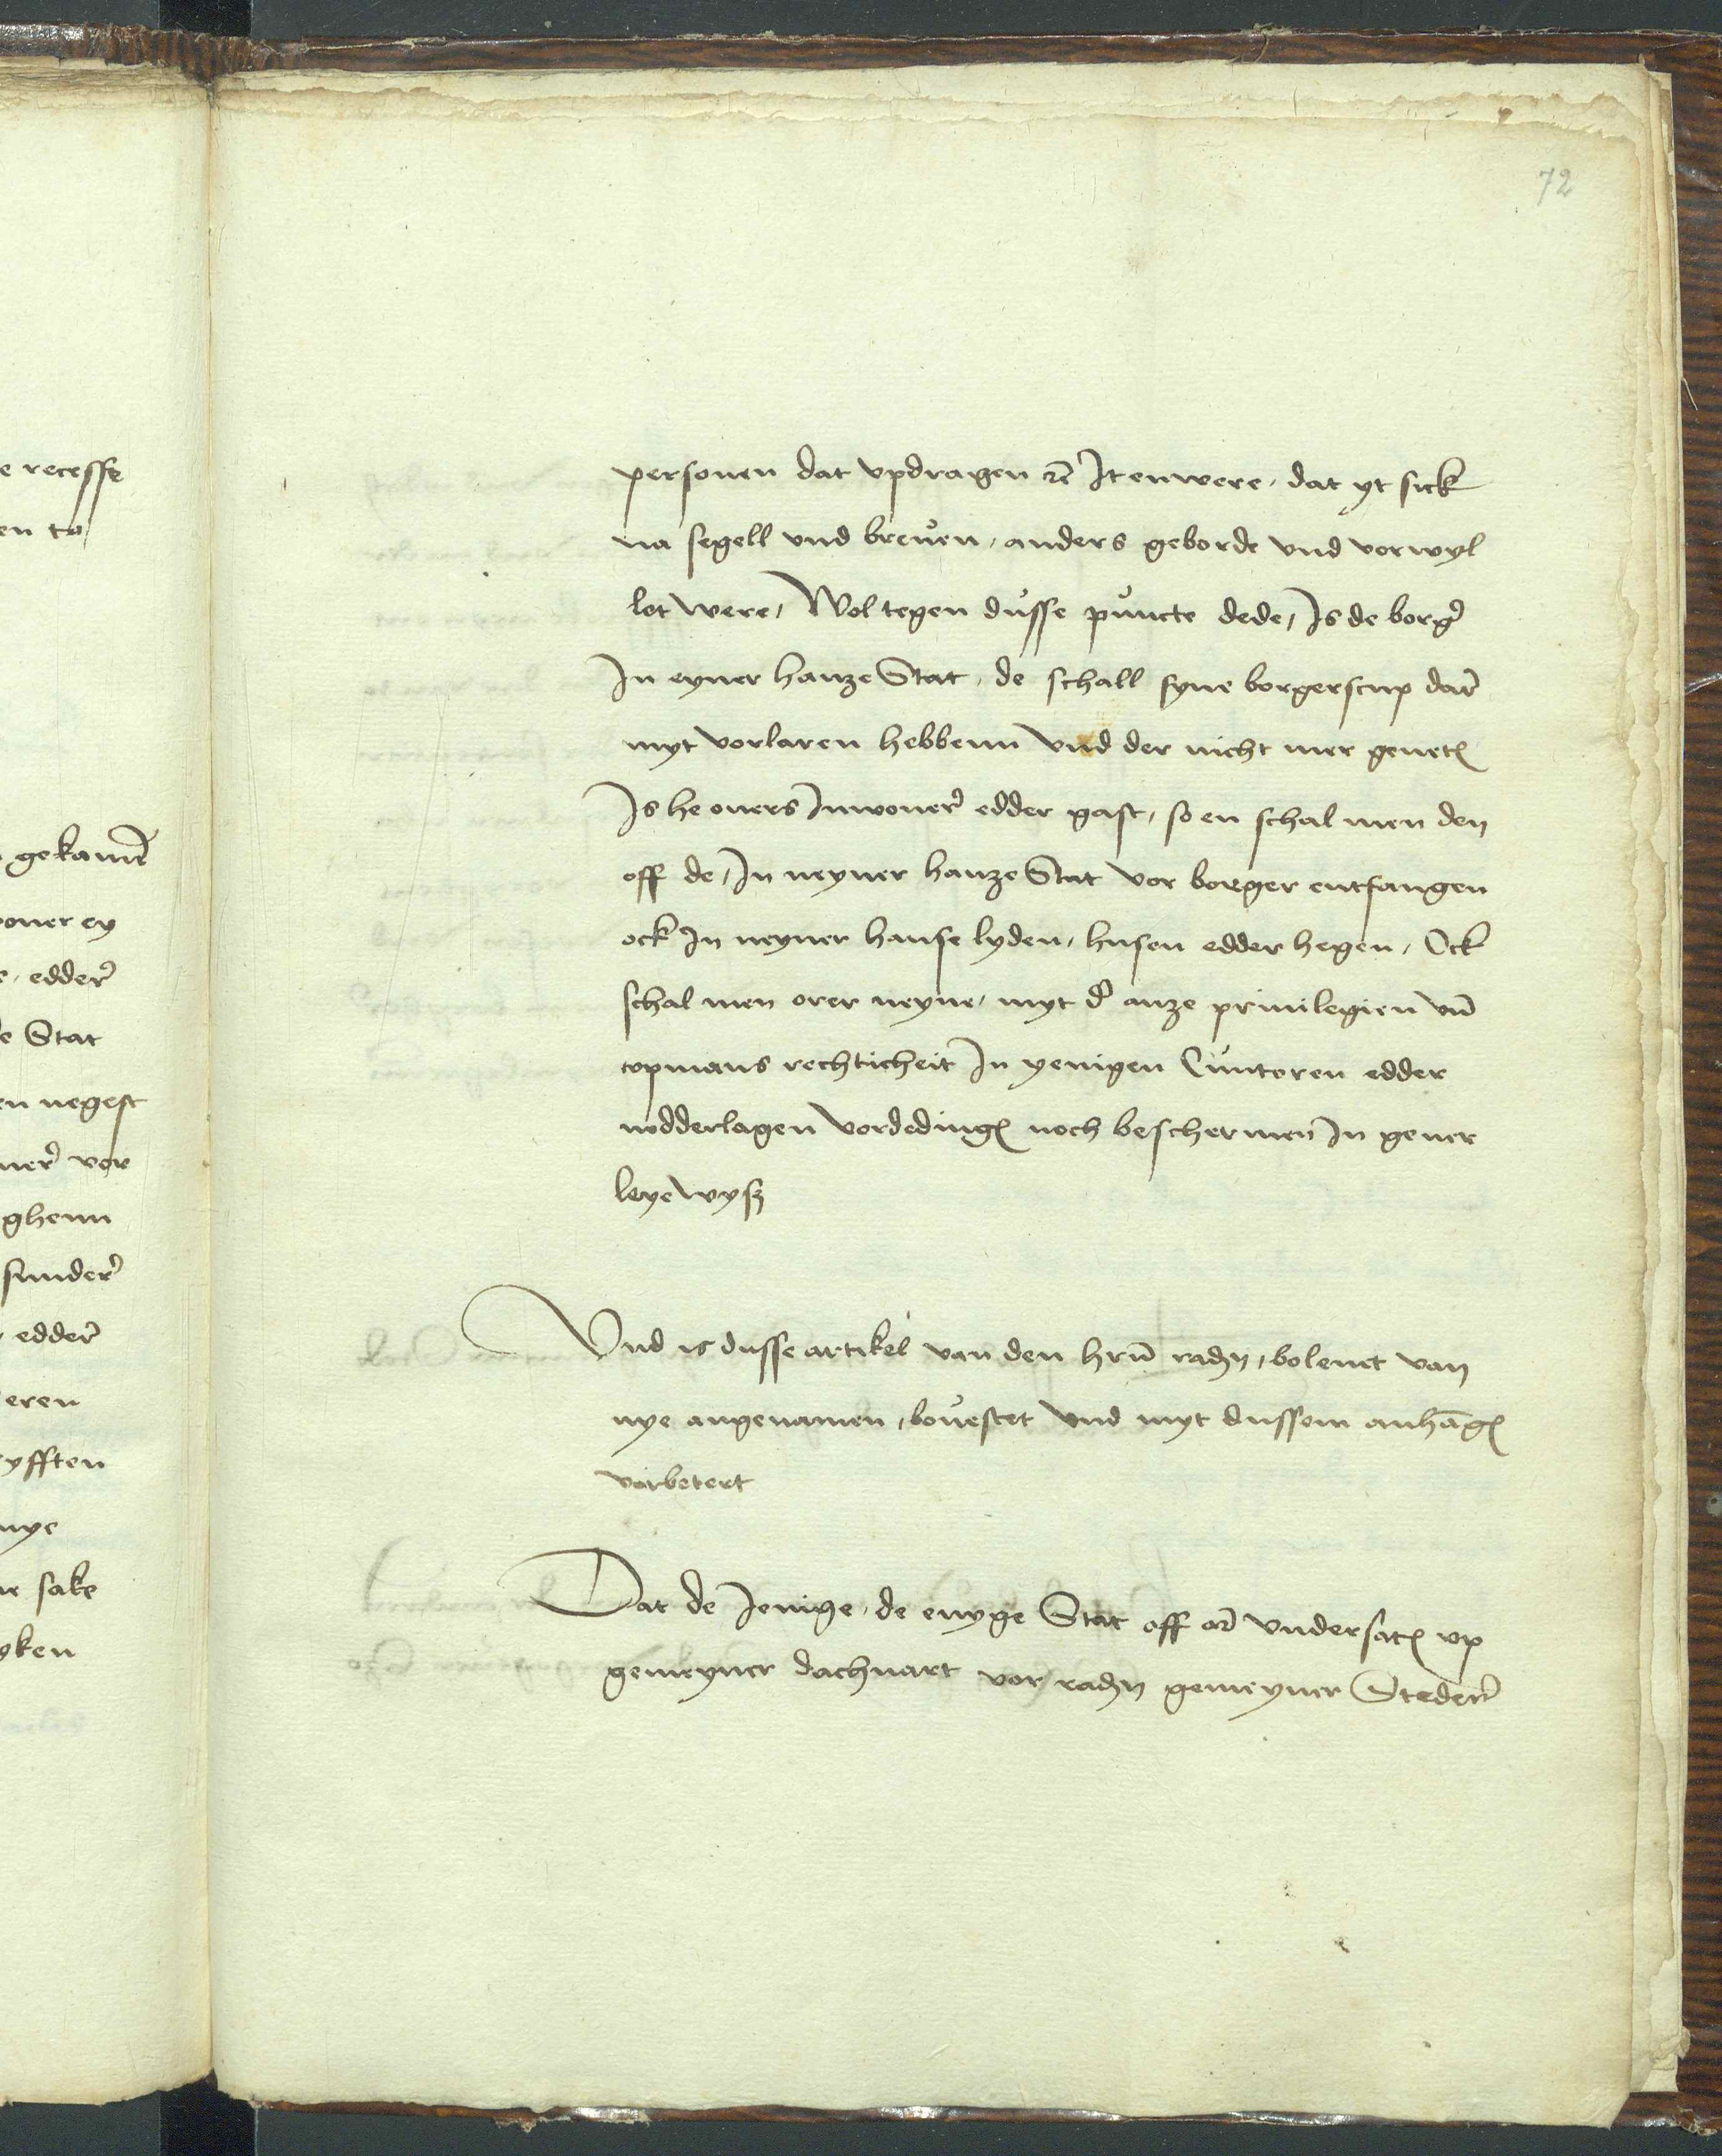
personen dat vpdragen etc Jt en were, dat yt sick
na segell vnd breuen, anders geborde vnd vorwyl¬
let werde, Wol tegen dusse puncte dede, Js de borger
Jn eyner hanze Stat, de schall syne borgerscup dar¬
myt vorlaten hebbenn vnd der nicht mer geneten
Js he ouers Jnwoner edder gast, so en schal men den
off de, Jn neyner hanze Stat vor borger entfangen
ock Jn neyner hanse lyden, husen edder hegen, Ock
schal men orer neyner, myt der anze priuilegien vnd
copmans rechticheit Jn yenigen Cuntoren edder
nedderlagen vordedingen noch beschermen Jn gener
leye wysz
Vnd is dusse artikel van den hern radessendebanden, boleuet van
nye angenamen, bouestet vnd myt dussem anhangen
vorbetert
Dar de Jenige, de enyge Stat off ore vndersaten vp
gemeyner dachuart vor radessendebaden gemeyner Steder
